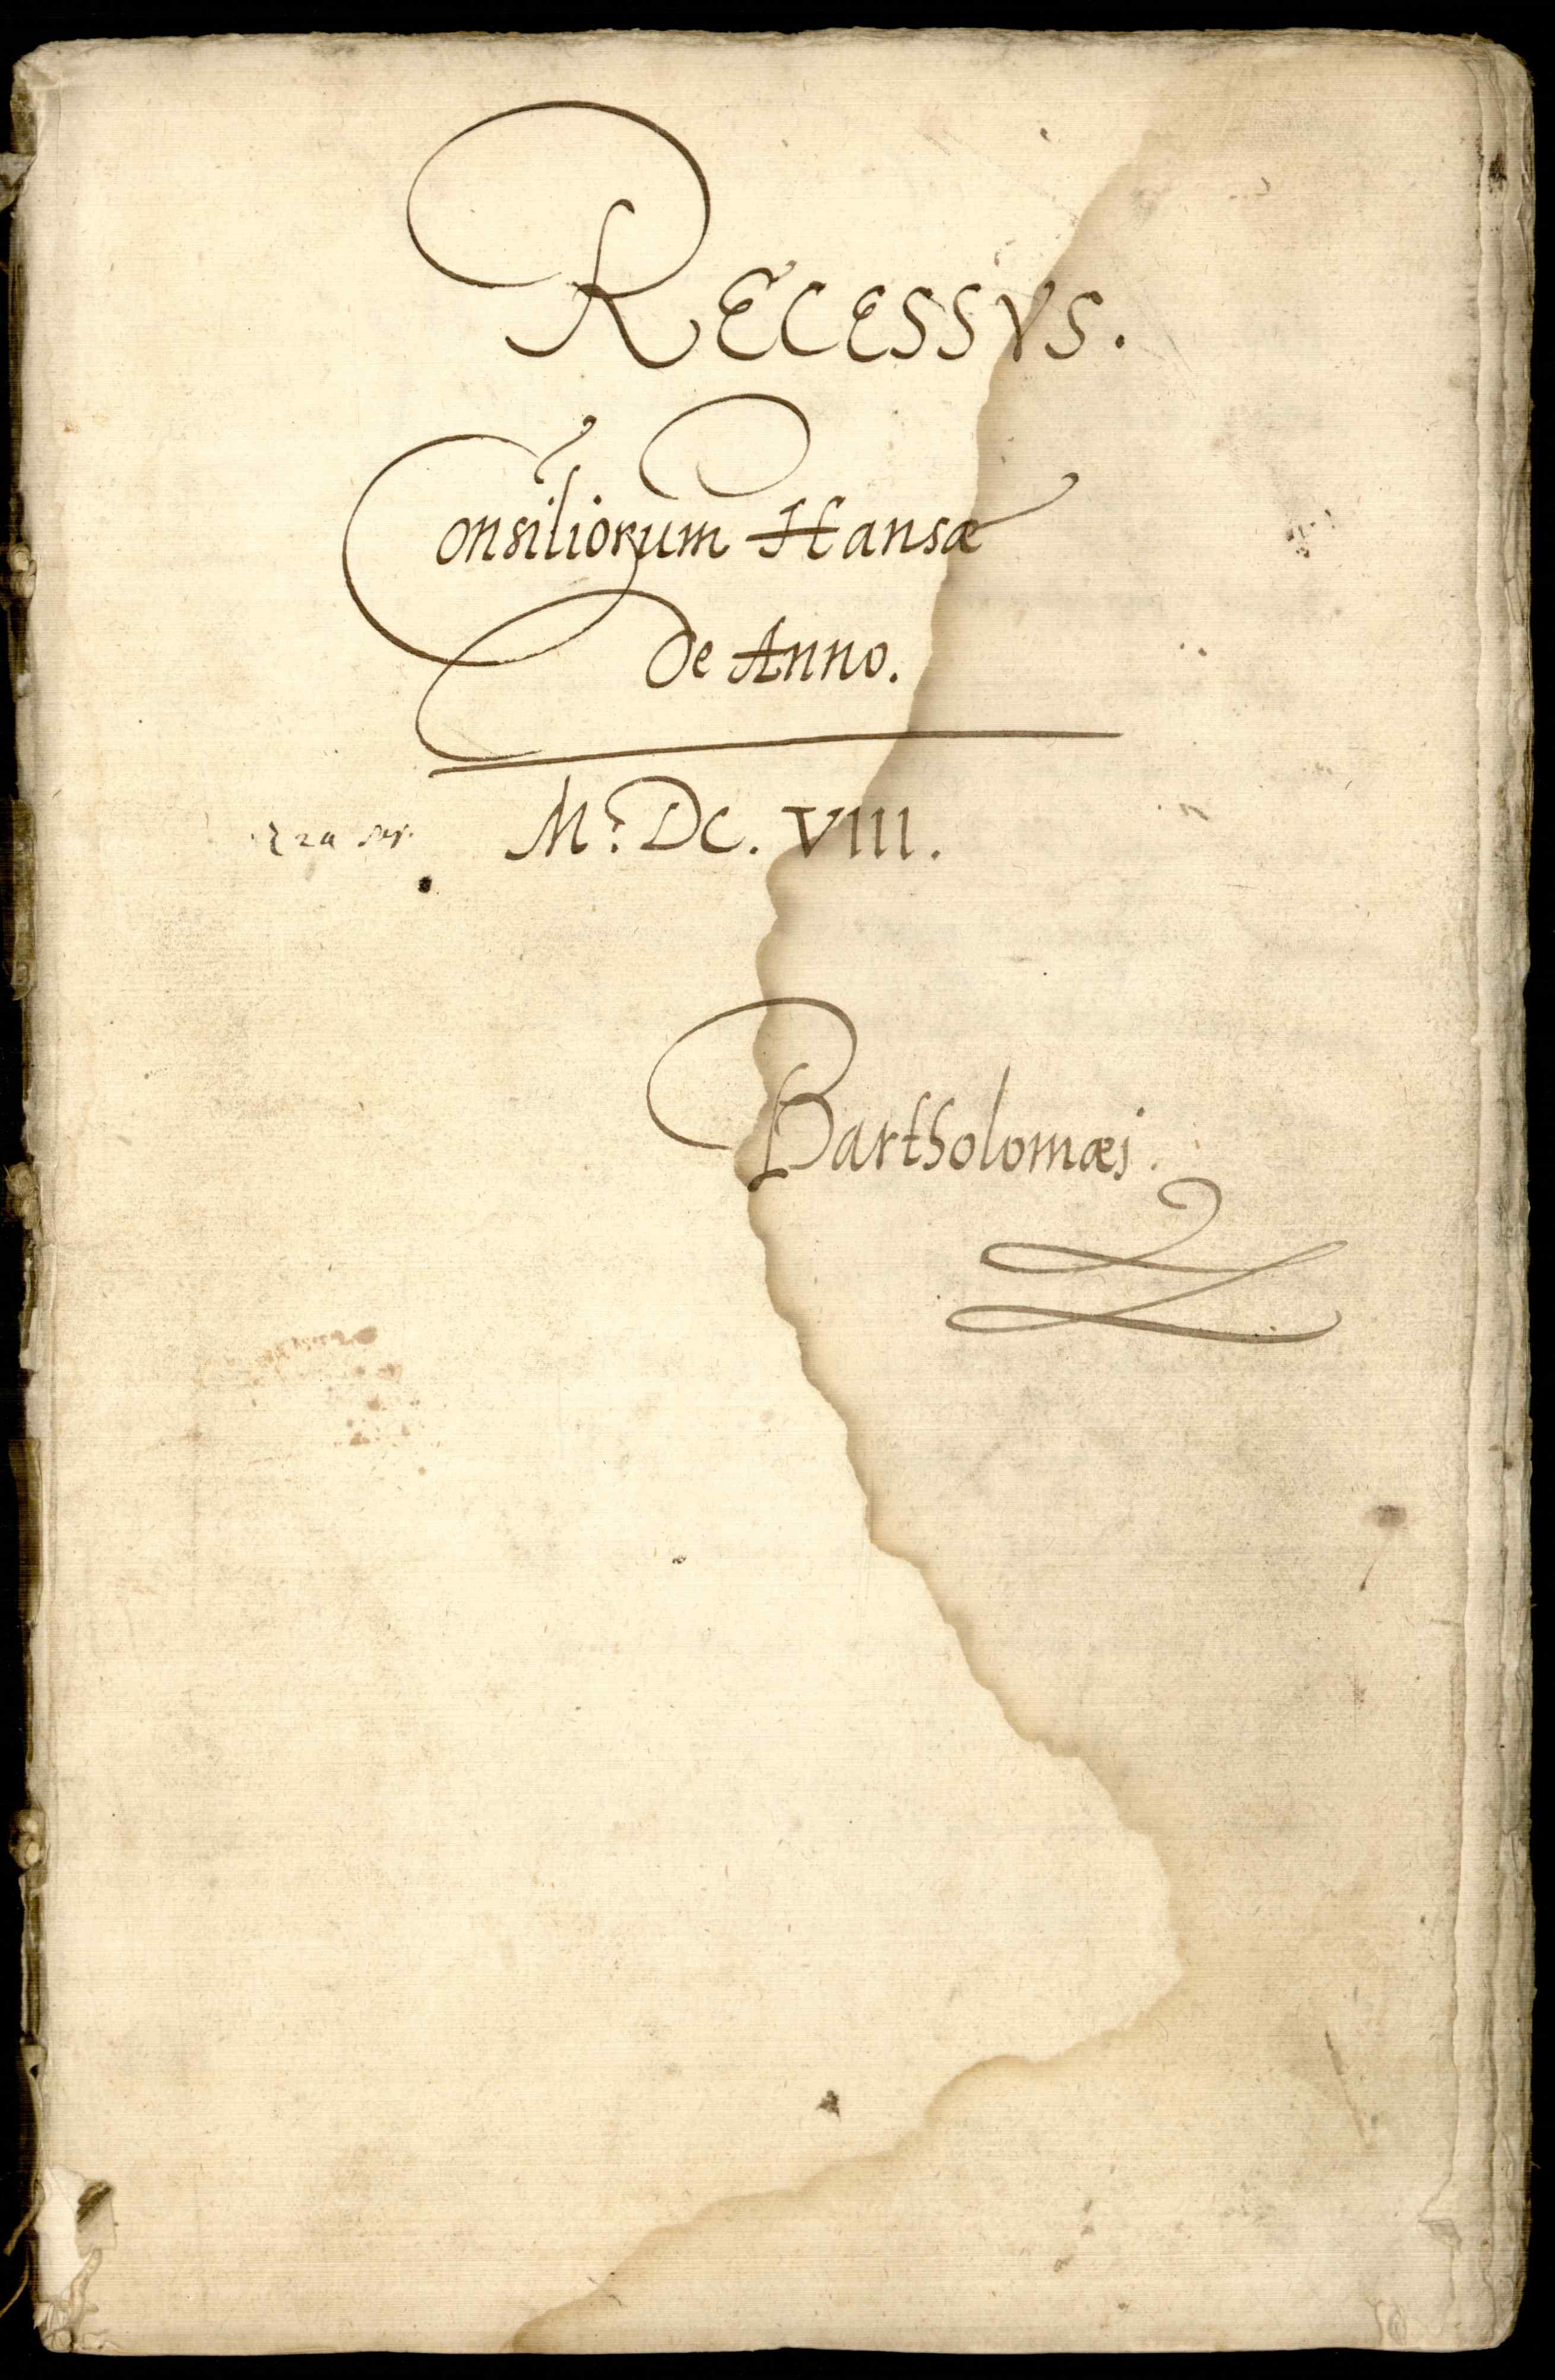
24 sep
RECESSVS.
Consiliorum Hansae
de Anno.
M.DC.VIII.
Bartholomaej
